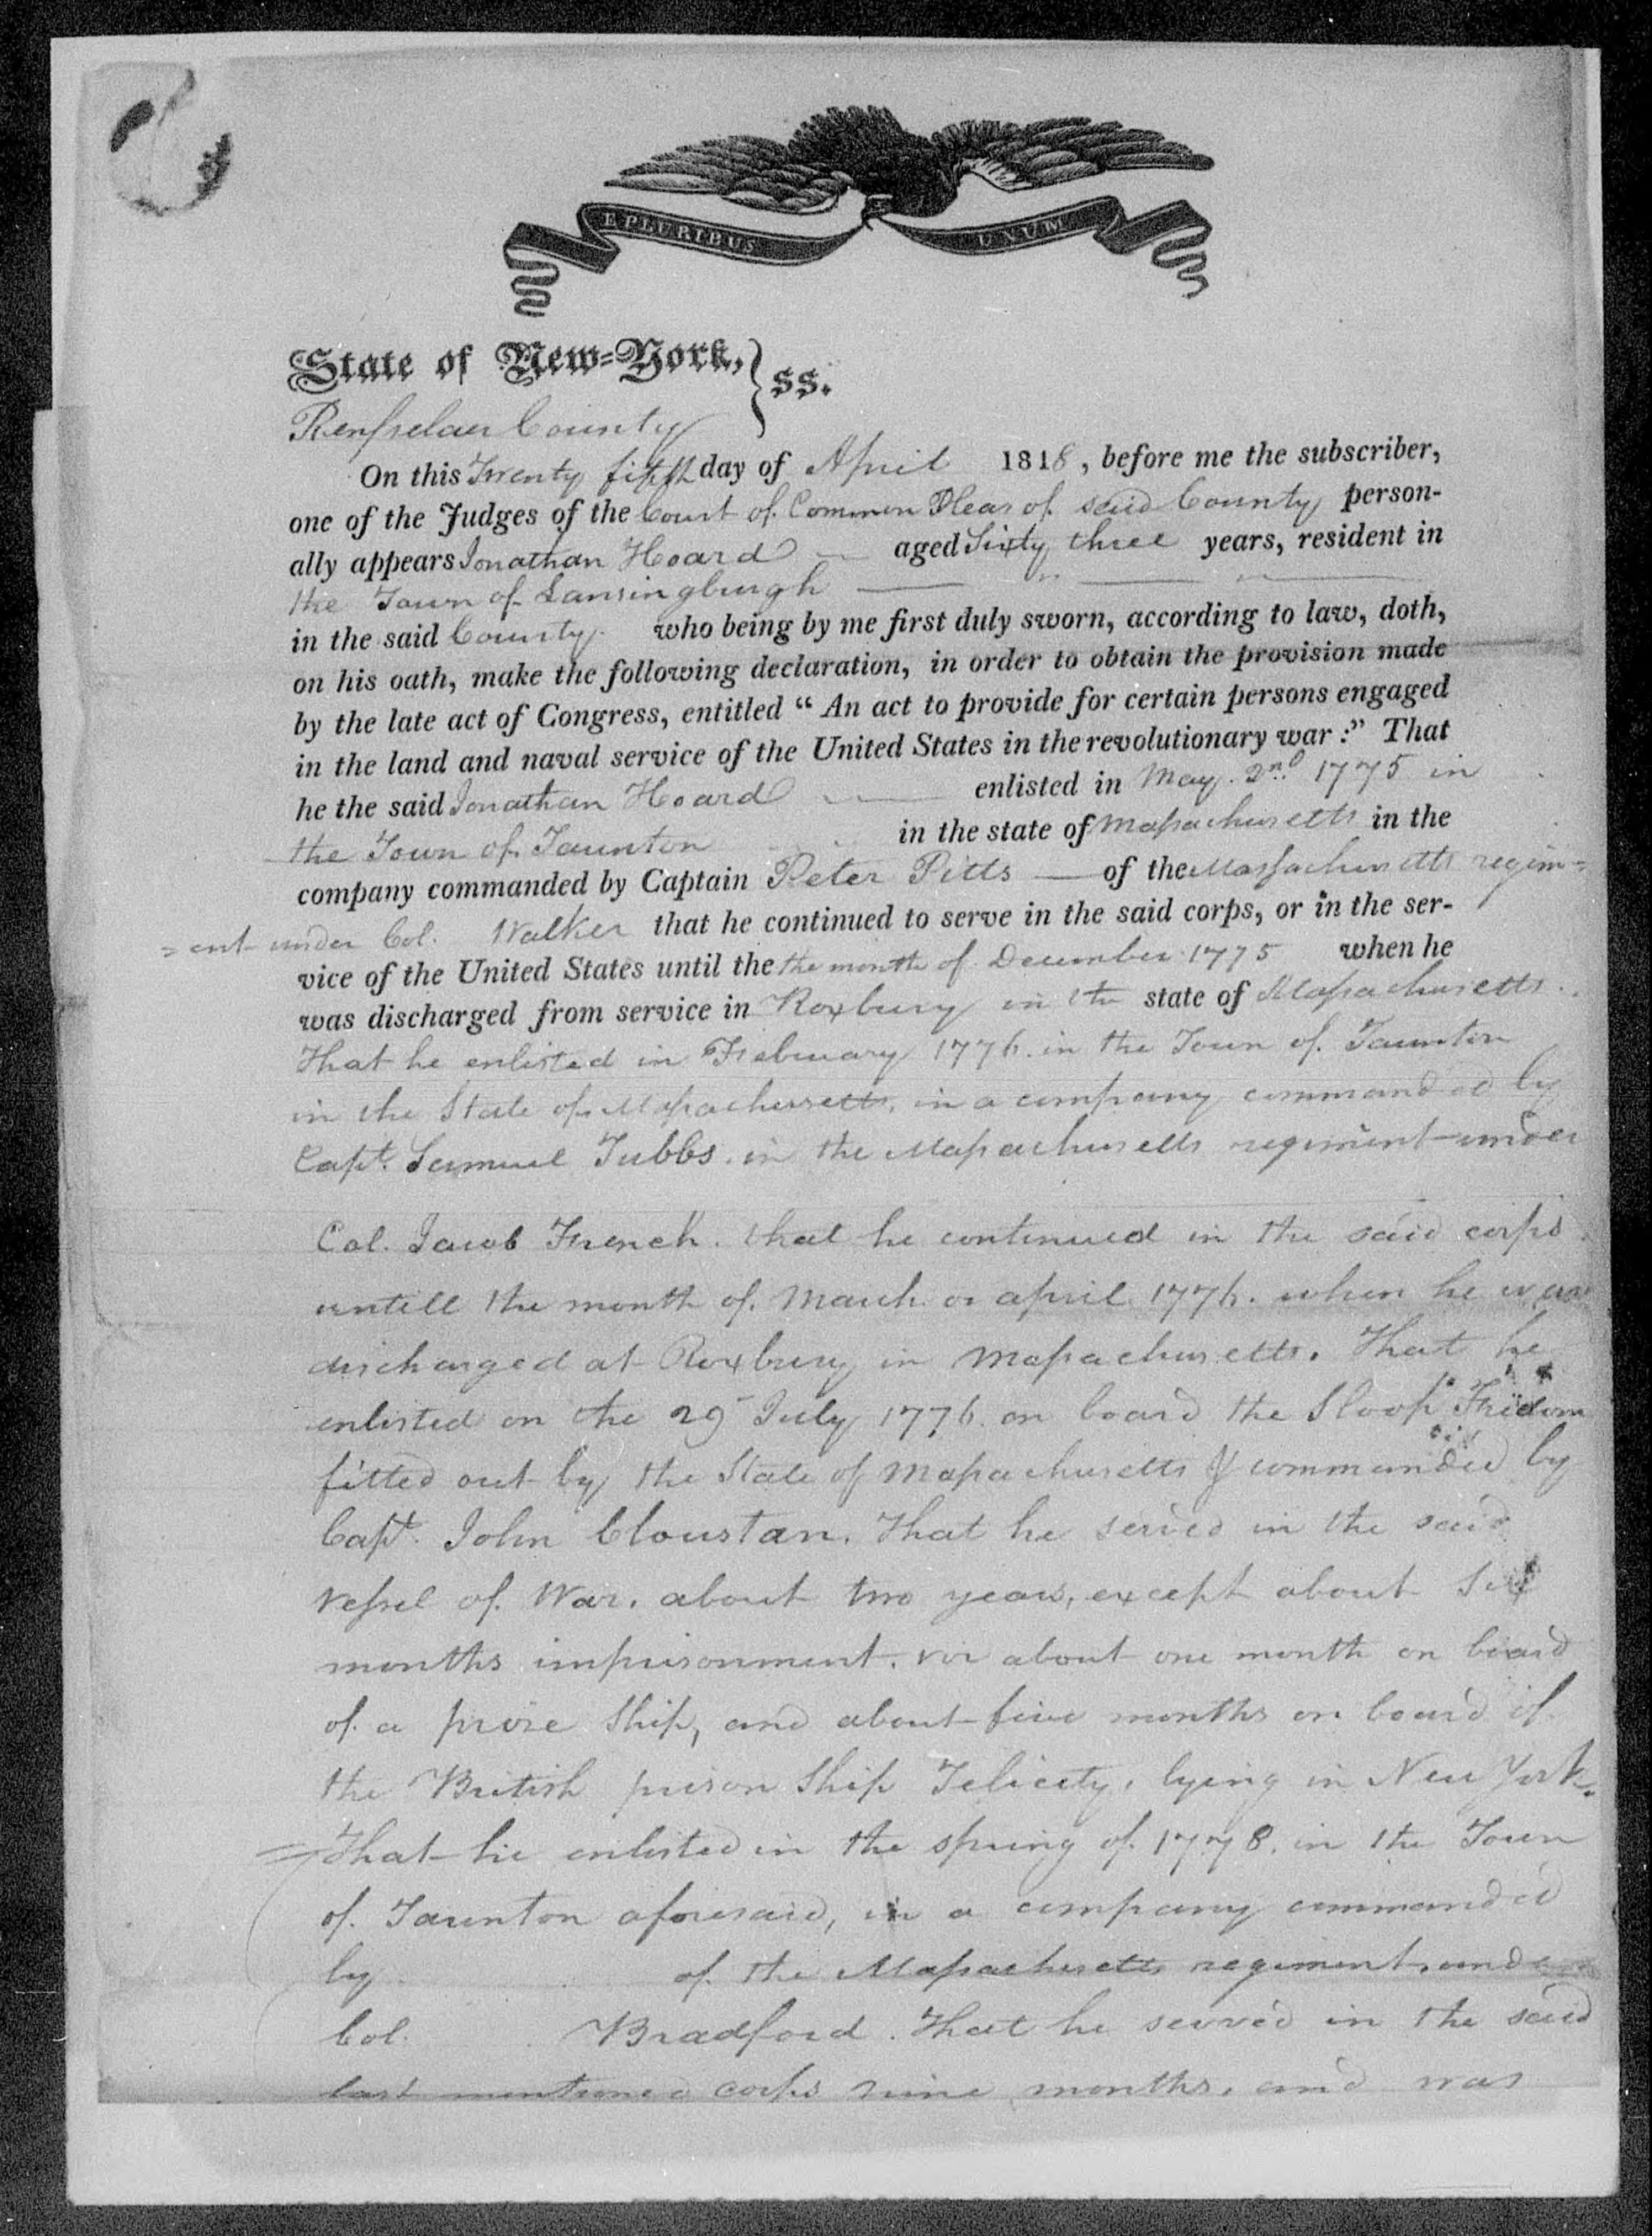[round illegible seal at upper left corner of page; letterhead is an eagle in flight holding a banner printed with E PLURIBUS UNUM]
State of New York,}
Rensselaer County} ss.
On this Twenty fifth day of April 1818, before me the subscriber,
one of the Judges of the Court of Common Pleas of said County 
personally appears Jonathan Hoard aged Sixty three years, resident in
the Town of Lansingburgh---
in the said County who being by me first duly sworn, according to law, doth,
on his oath, make following declaration, in order to obtain the provision made
by the late act of Congress, entitled "An act to provide for certain persons engaged
in the land and naval service of the United States in the revolutionary war: "That
he the said Jonathan Hoard enlisted in May 2nd 1775 in
the Town of Taunton in the State of Massachusetts in the
company commanded by Captain Peter Pitts of the Massachusetts regiment under Col. Walker that he continued to serve in the said corps, or in the 
service of the United States until the the month of December 1775 when he
was discharged from service in Roxbury in the State of Massachusetts.
That he enlisted in February 1776 in the Town of Taunton
in the State of Massachusetts, in a company commanded by
Capt Samuel Tubbs, in the Massachusetts regiment under
Col. Jacob French. that he continued in the said corps
untill [until]the month of March or April 1776. when he was
discharged at Roxbury in Massachusetts. That he
enlisted on the 29 July 1776 on board the Sloop Freedom
fitted out by the State of Massachusetts [&?] commanded by
Capt John Cloustan. That he served in the said
vessel of War, about two years, except about six
months imprisonment, [illegible] about one month on board
of a prize ship, and about five months on board of
the British prison ship Felicity, lying in New York.
That he enlisted in the spring of 1778 in the Town 
of Taunton aforesaid, in a company commanded
by           of the Massachusetts regiments, under
Col.        Bradford. That he served in the said
last mentioned corps nine months, and was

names: John Cloustan, Jonathan Hoard, Walker, Samuel Tubbs, Peter Pitts, Bradford, Jonathan Hoard, Jacob French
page: 12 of 52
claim: widow's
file: W 19755, Jonathan Hoard, Mass.